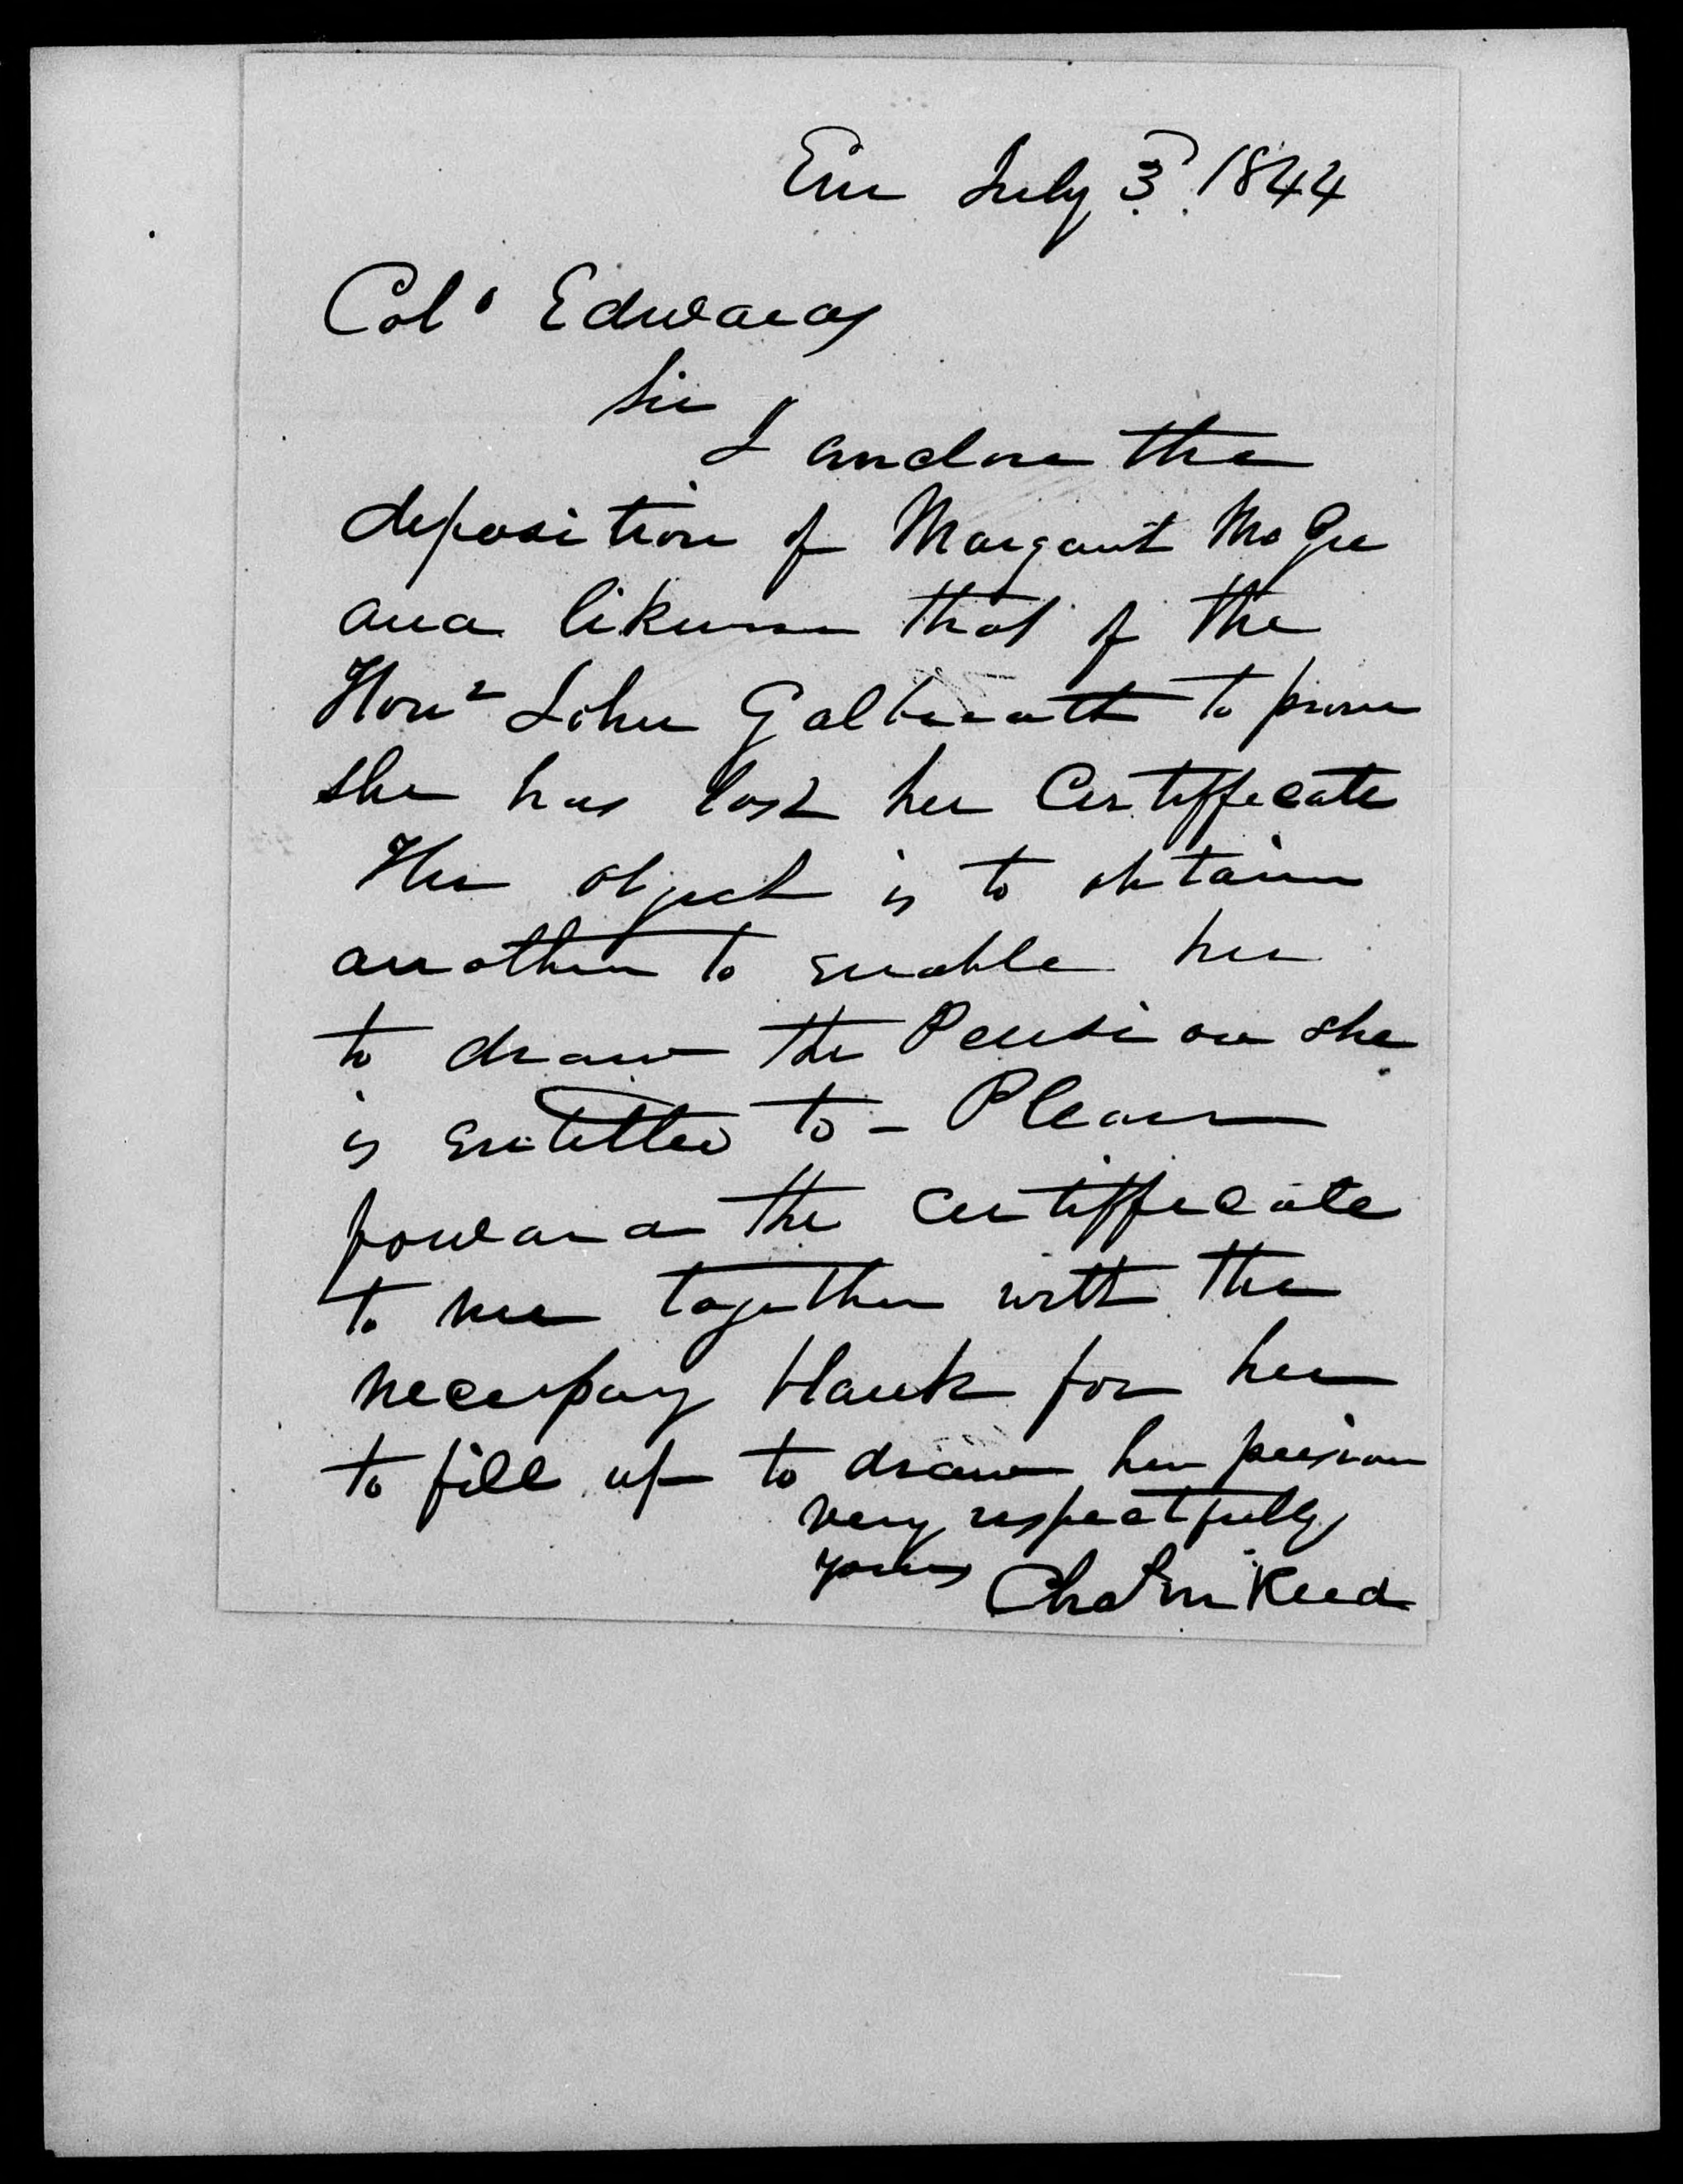Erie July 3, 1844
Col. Edwards
Sir
I enclose the deposition of Margaret McGee and likewise that of the Hon. John Galbraith to prove she has lost her certificate
The object is to obtain another to enable her to draw the Pension she is entitled to - Please forward the certificate to me together with the necessary blank for her to fill out to draw her pension
Very respectfully
yours,
Chas M Reed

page: 24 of 77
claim: widow's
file: W 2954, for James Mc Gee, Delaware